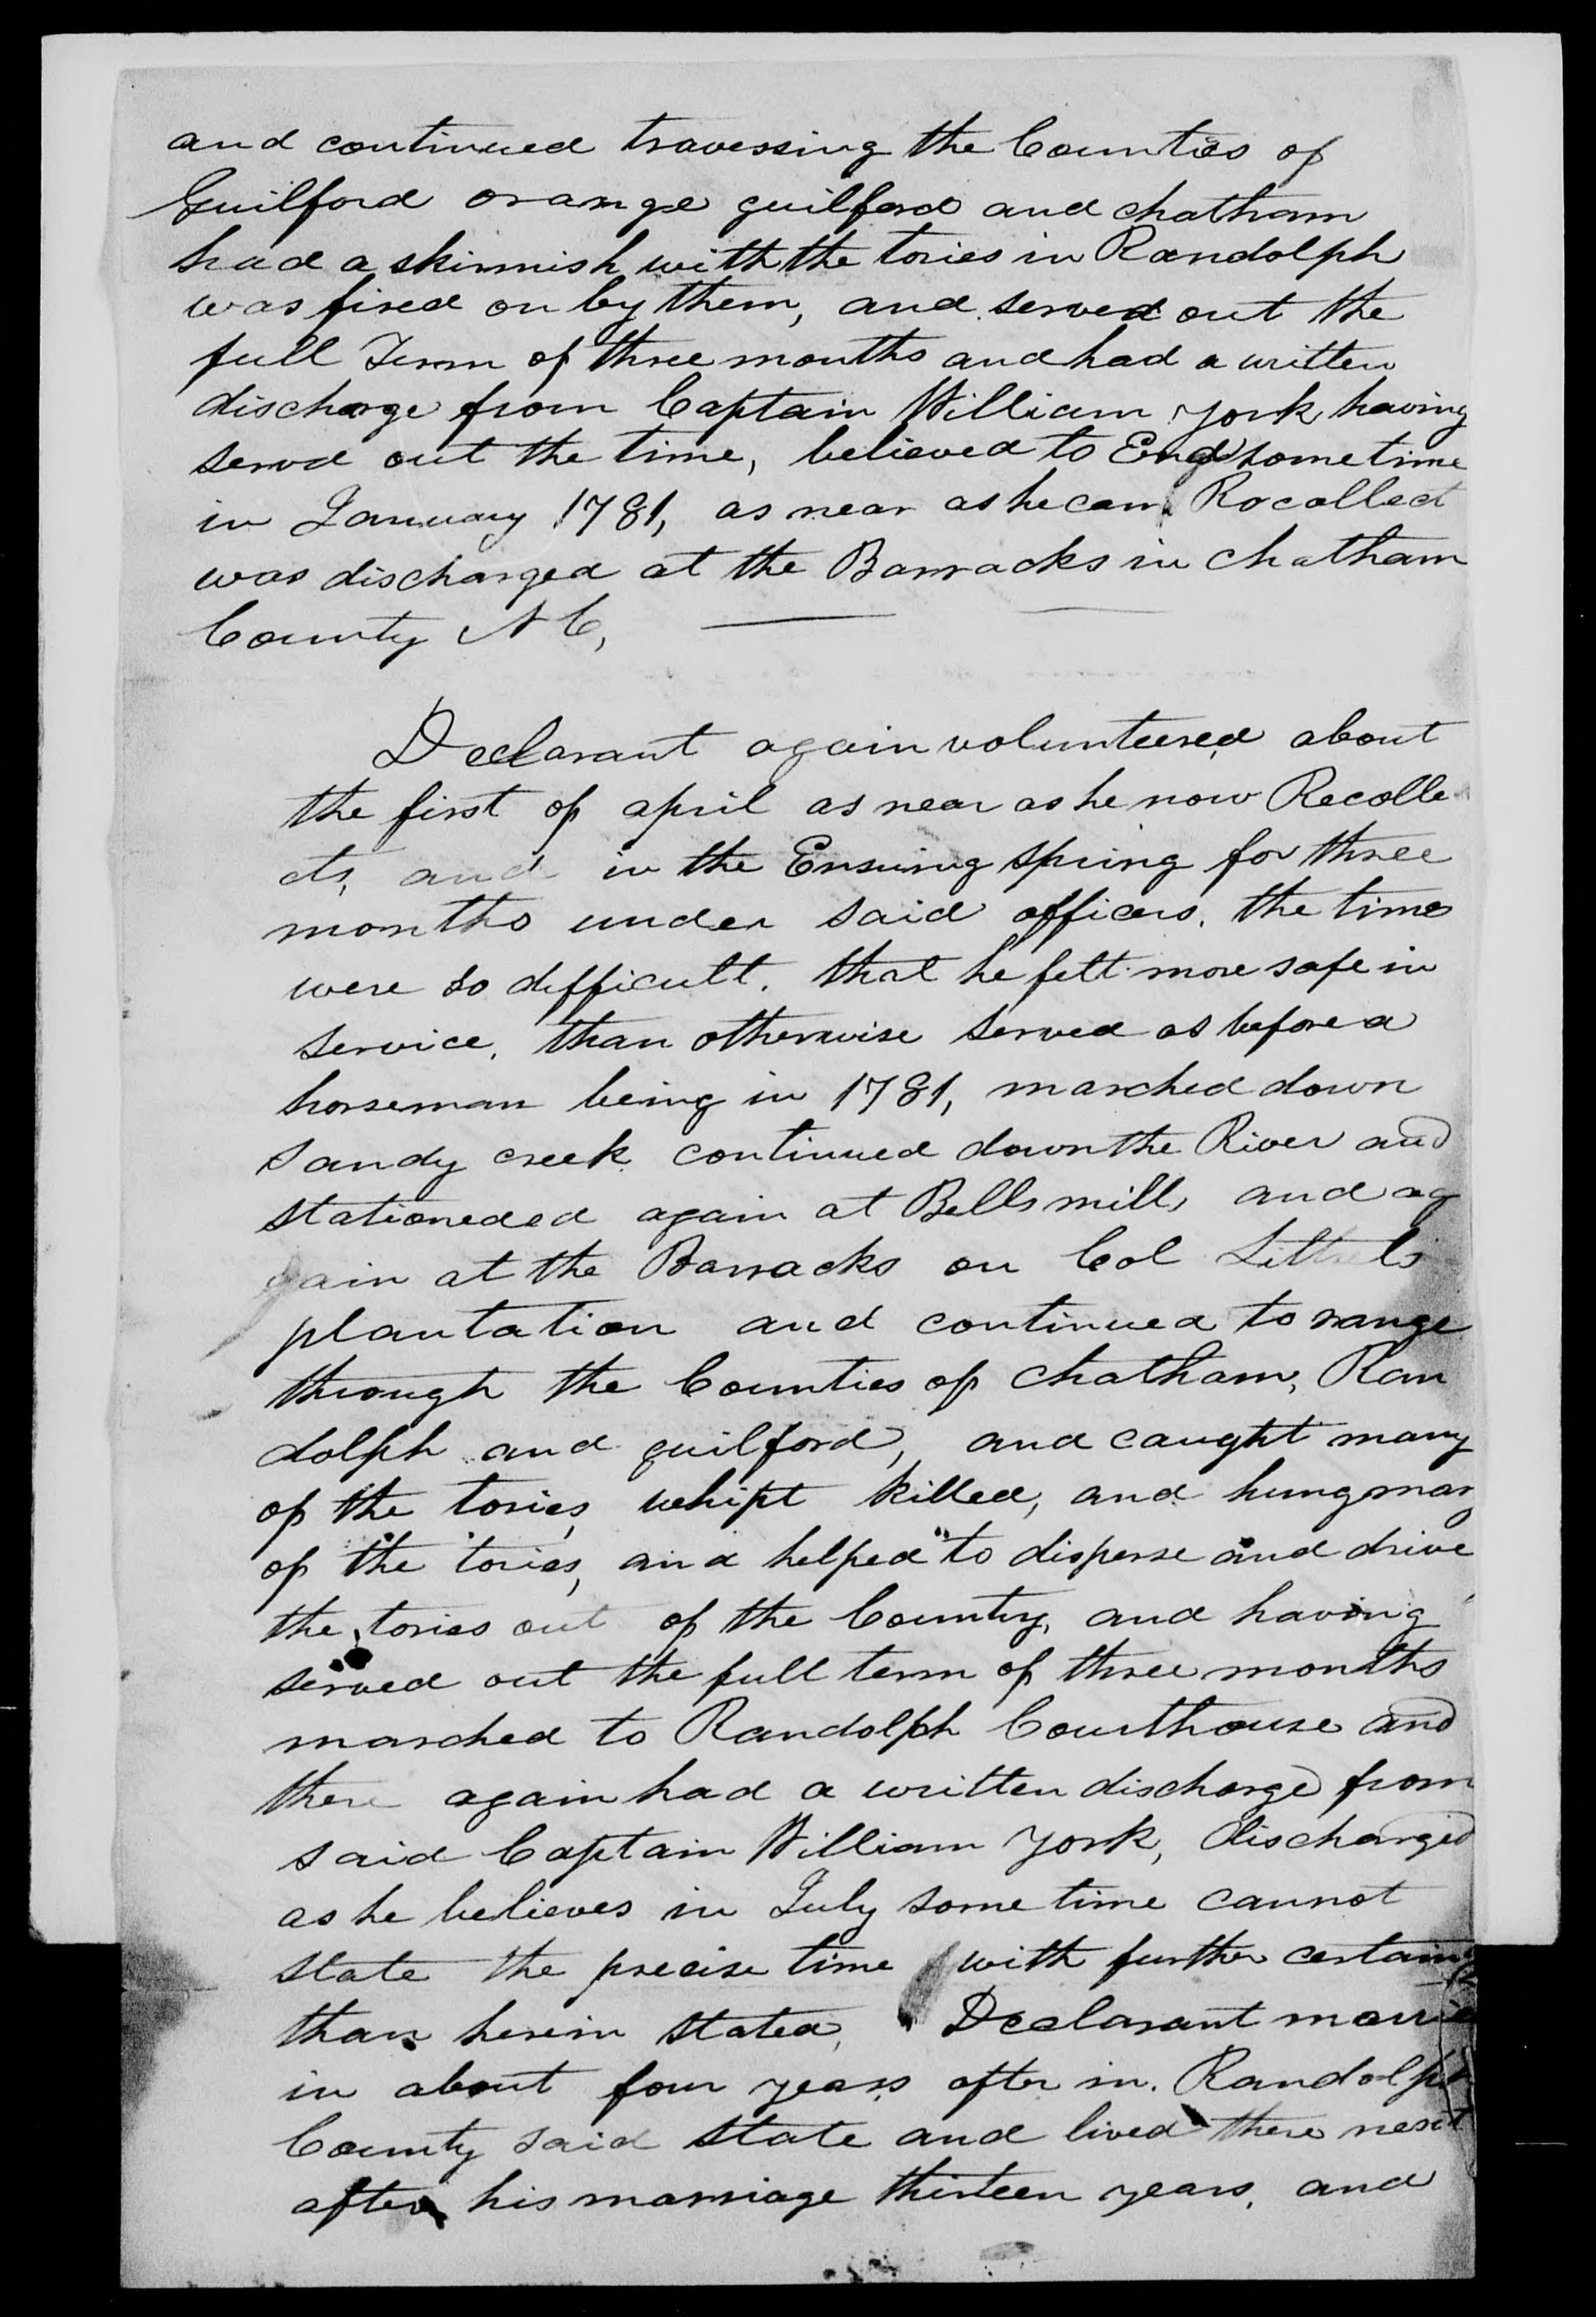and continued travessing the counties of Guilford Orange Guilford and Chatham Had a skirmish with the tories in Randolph was fired on by the, and served out the full Term of three months and had a written discharge from Captain William York having served out the time, believed to End sometime in January 1781, as near as he an Recollect was discharged at the Barracks in Chatham County NC.

Declarant again volunteered about the first of April as near as he now Recollects, and in the Ensuing spring for three months under said officers the time were so difficult that he felt more safe in service, than otherwise   Served as before a horseman being in 1781, marched down Sandy Creek continued down the River and stationed again at Bells mill, and again at the Barracks on Col Littrell plantation and continued to range through the counties of Chatham, Randolph and guilford, and caught many of the tories Whipt killed, and hung many of the tories, and helped to disperse and drive the tories out of the County and having served out the full term of three months marched to Randolph Courthouse and there again had a written discharge from said Captain William York, discharged as he believes in July sometime  cannot state the precise time with further certainly than herein stated, Declarant married in about four years after in Randolph County said state and lived there next after his marriage thirteen years, and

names: William York, Bells Mills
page: 4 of 144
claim: rejected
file: R. 5208, Dennis Hopkins, N.C.